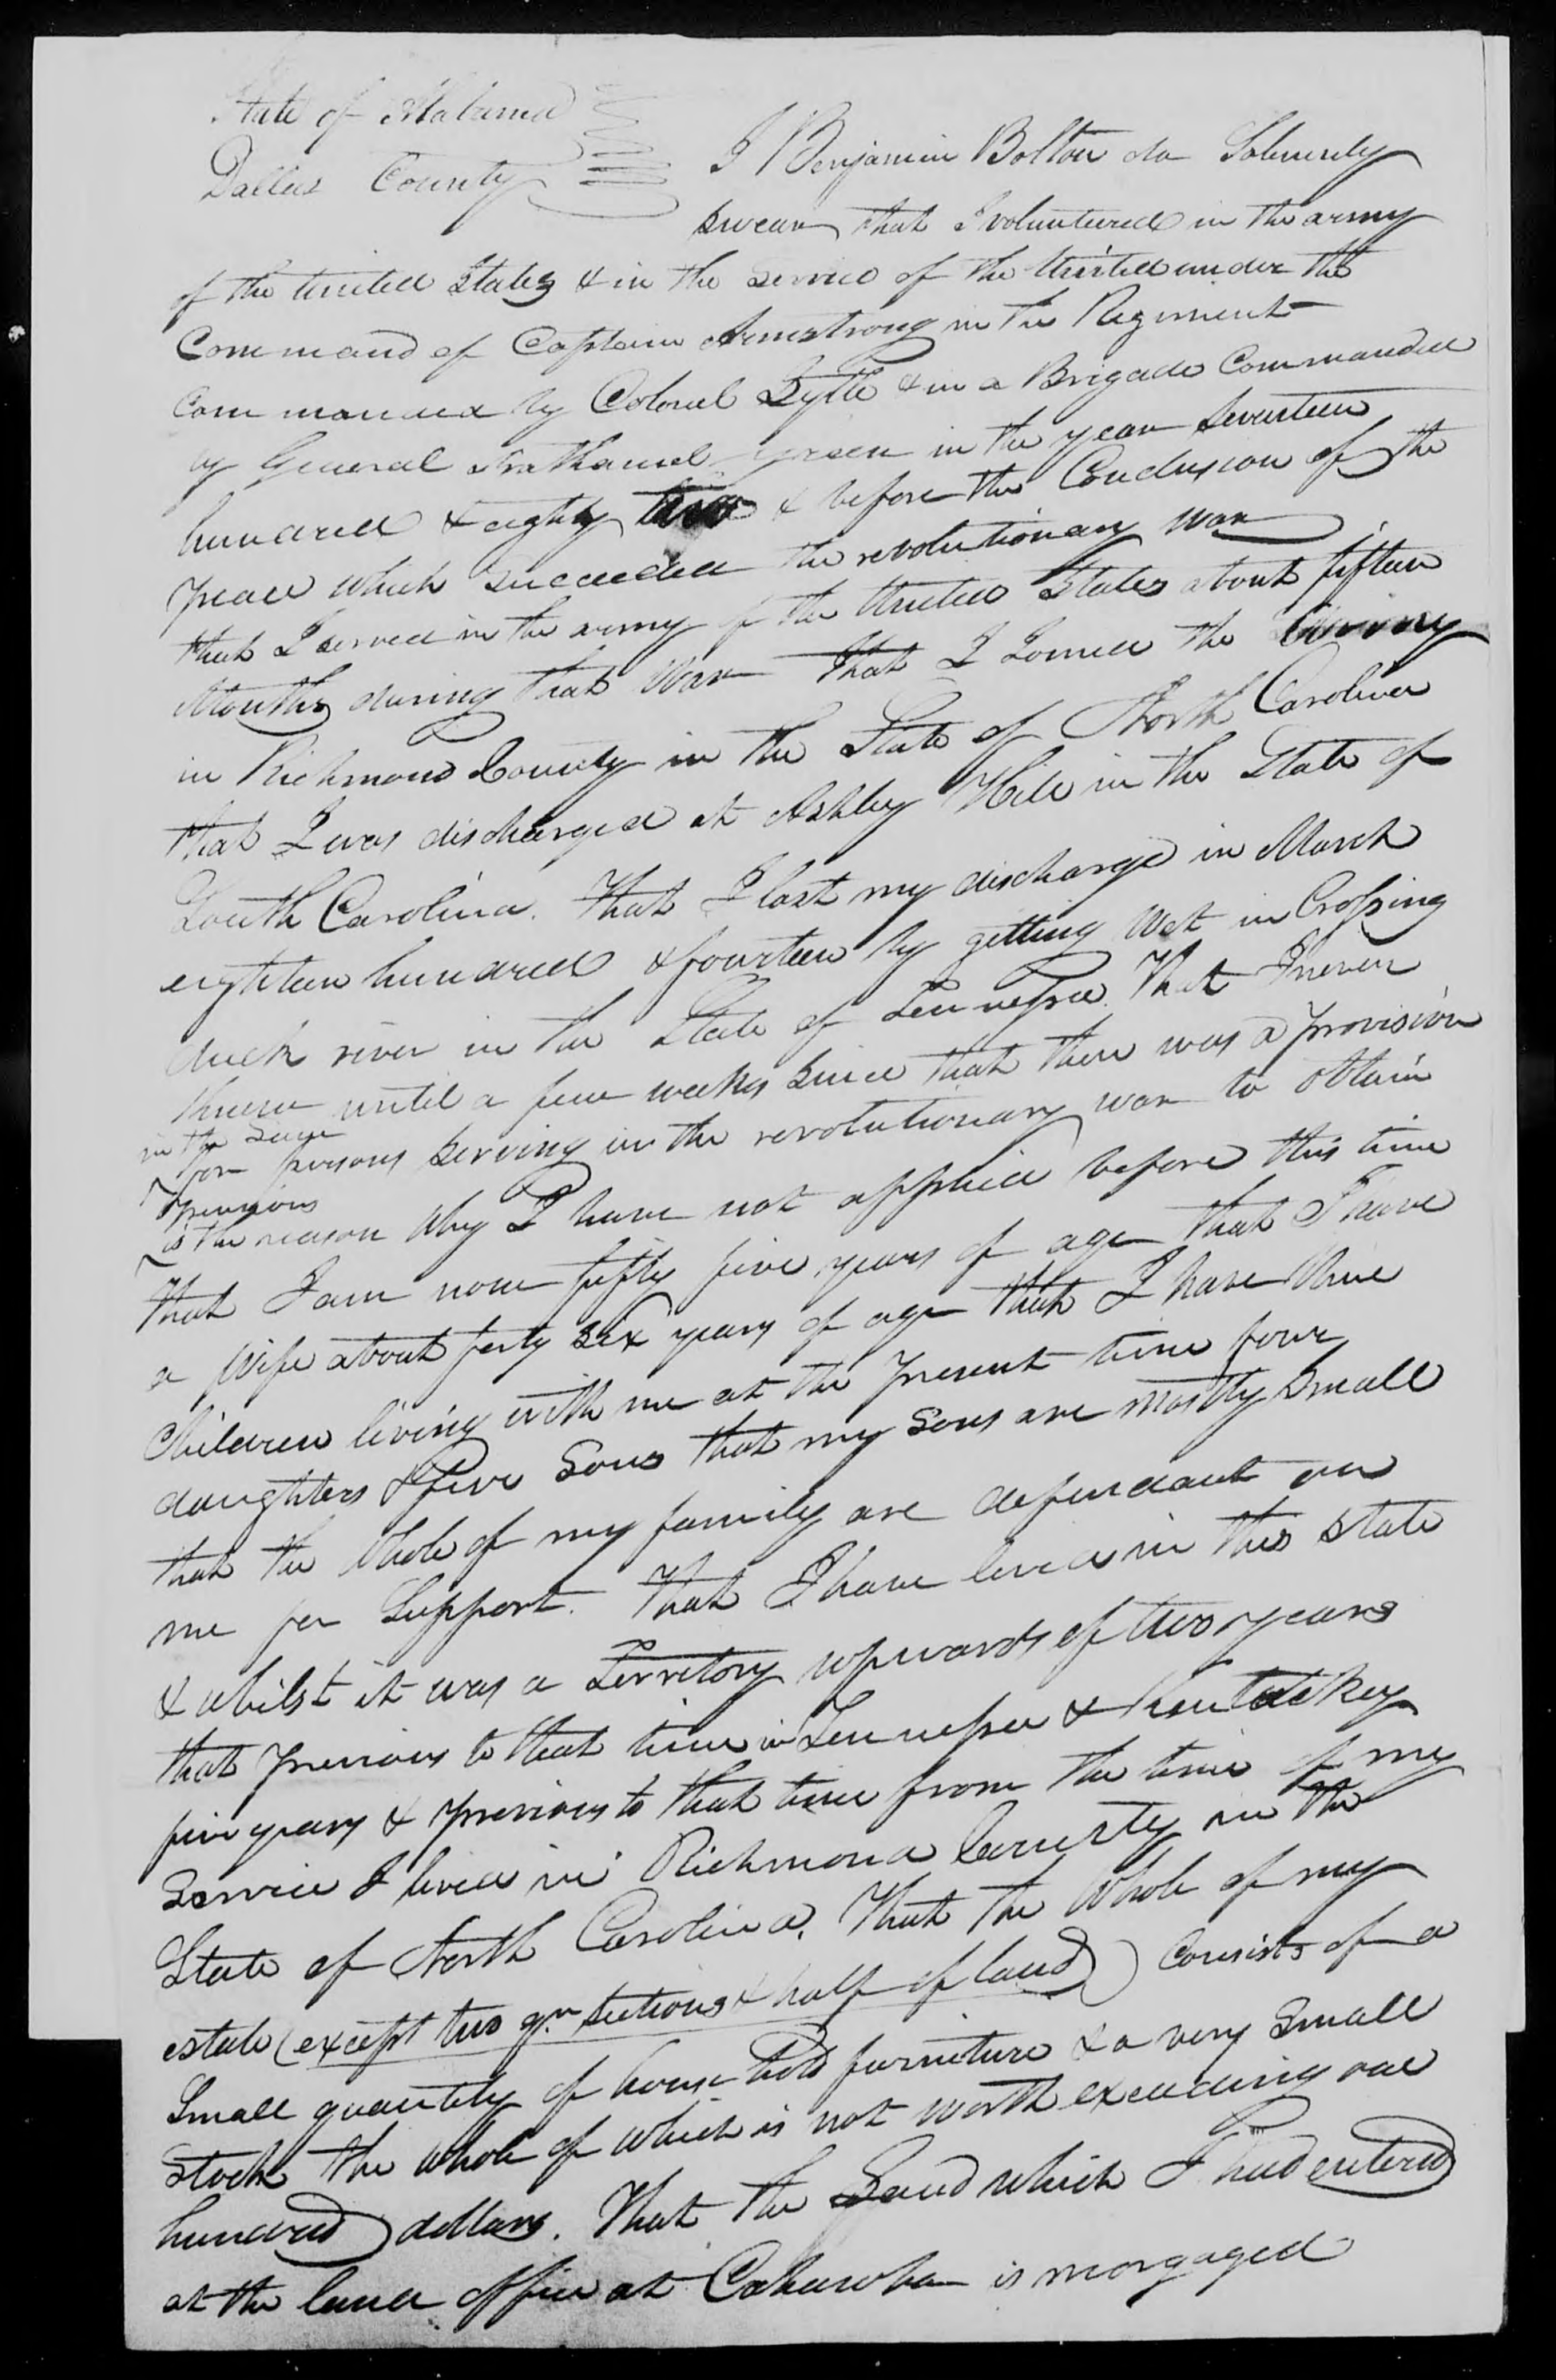State of Alabama }
Dallas County }
I Benjamin Bolton do Solemnly swear that I volunteered in the army of the United States & in the service of the United under the command of Captain Armstrong in the Regiment commanded by Colonel Lytle & in a Brigade commanded by General Nathaniel Green in the year Seventeen hundred & eighty two & before the Conclusion of the peace which succeeded the revolutionary war

That I served in the army of the United States about fifteen months during that War That I Joined the Army in Richmond County in the State of North Carolina that I was discharged at Ashby Hill in the state of South Carolina. That I lost my discharge in March eighteen hundred & fourteen by getting wet in crossing duck river in the state of Tennessee. That I never knew until a few weeks Since that there was a provision ^in the Same for persons serving in the revolutionary war to obtain ^pensions is the reason why I have not applied before this time That I am now fifty five years of age that I have a wife about forty six years of age that I have nine children living with me at the present time four daughters & five sons that my sons are mostly small that the whole of my family are dependent on me for support. That I have lived in this state & whilst it was a Territory upwards of two years That previous to that time in Tennessee & Kentucky five years & previous to that time from the time of my service I lived in Richmond County in the State of North Carolina. That the whole of my estate [underlined: (except two gn. Sections & half of land)] consists of a small quantity of house hold furniture & a very small stock the whole of which is not worth exceeding one hundred dollars. That the Land which I had entered at the land office at Cahawba is morgaged [sic: mortgaged]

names: Lytle, Nathaniel Green, Armstrong, Ashley Hill, Benjamin Bolton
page: 14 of 29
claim: survivor's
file: S. 37,795, Benjamin Bolton, N.C.